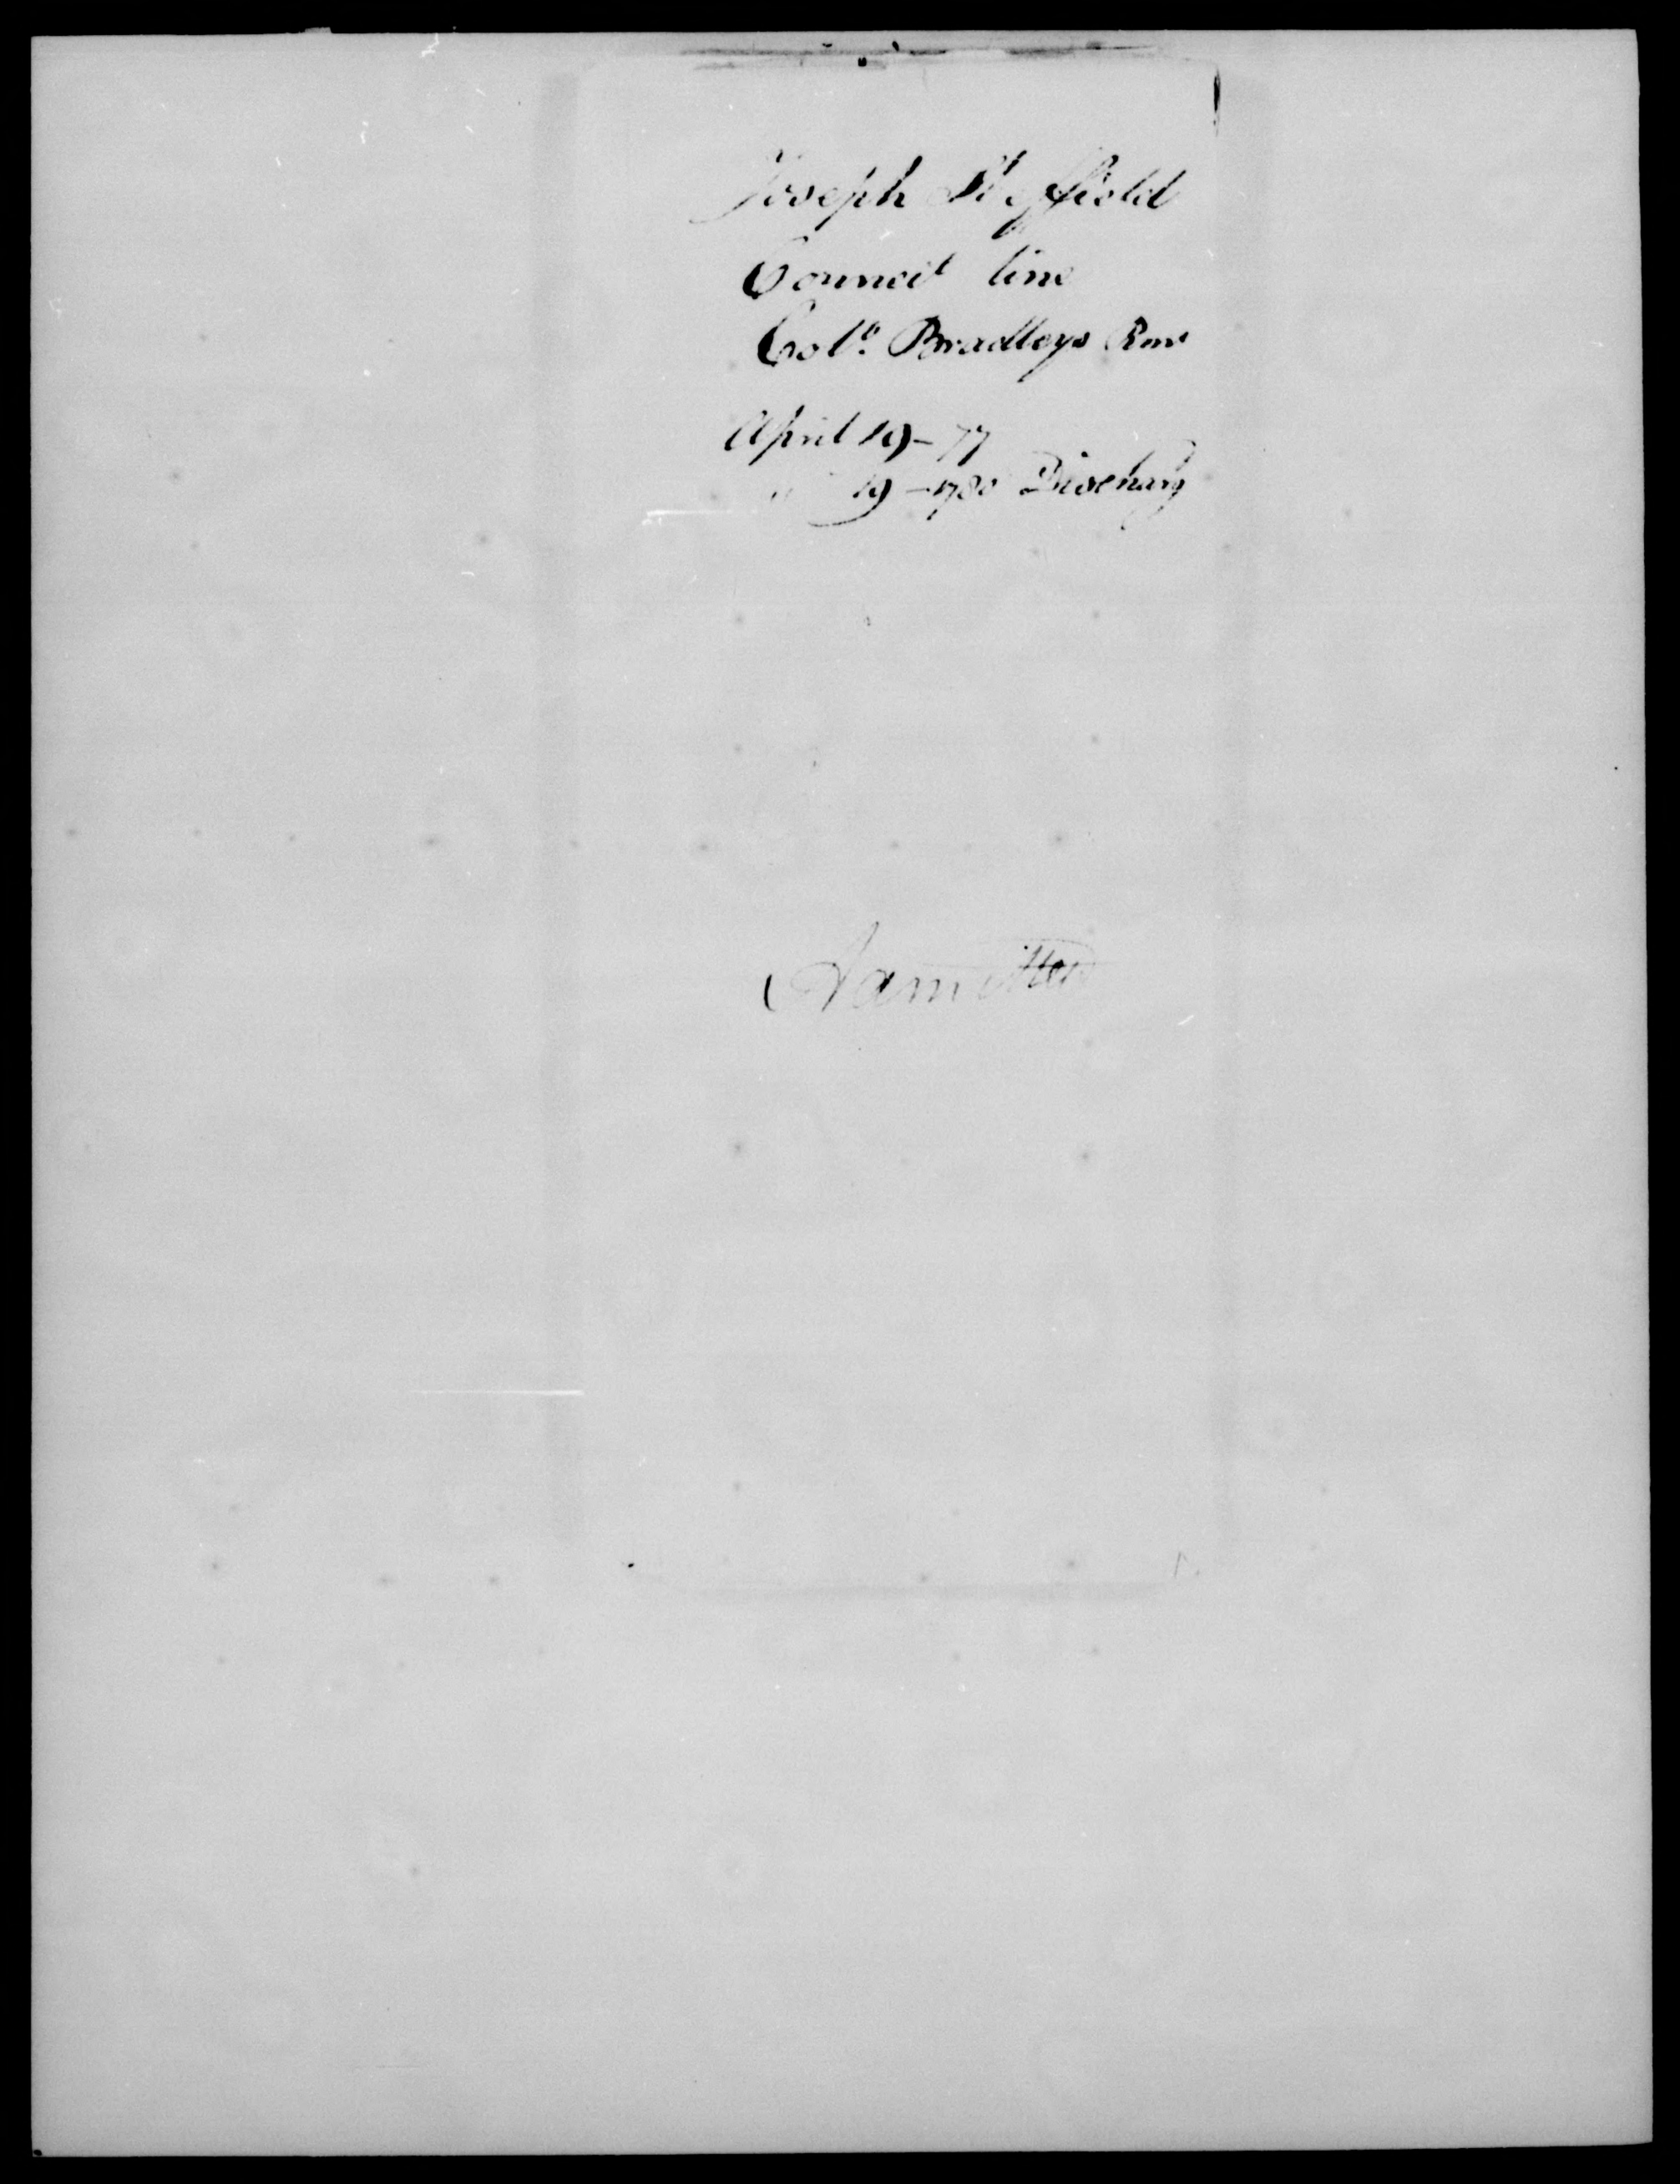Joseph Sheffield
Connt Line
Col Bradleys RGt
April 19 -77
April 19-1780 discharged

Admitted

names: Joseph Sheffield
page: 8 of 25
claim: survivor's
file: S. 42,272, for Joseph Sheffield, Connecticut